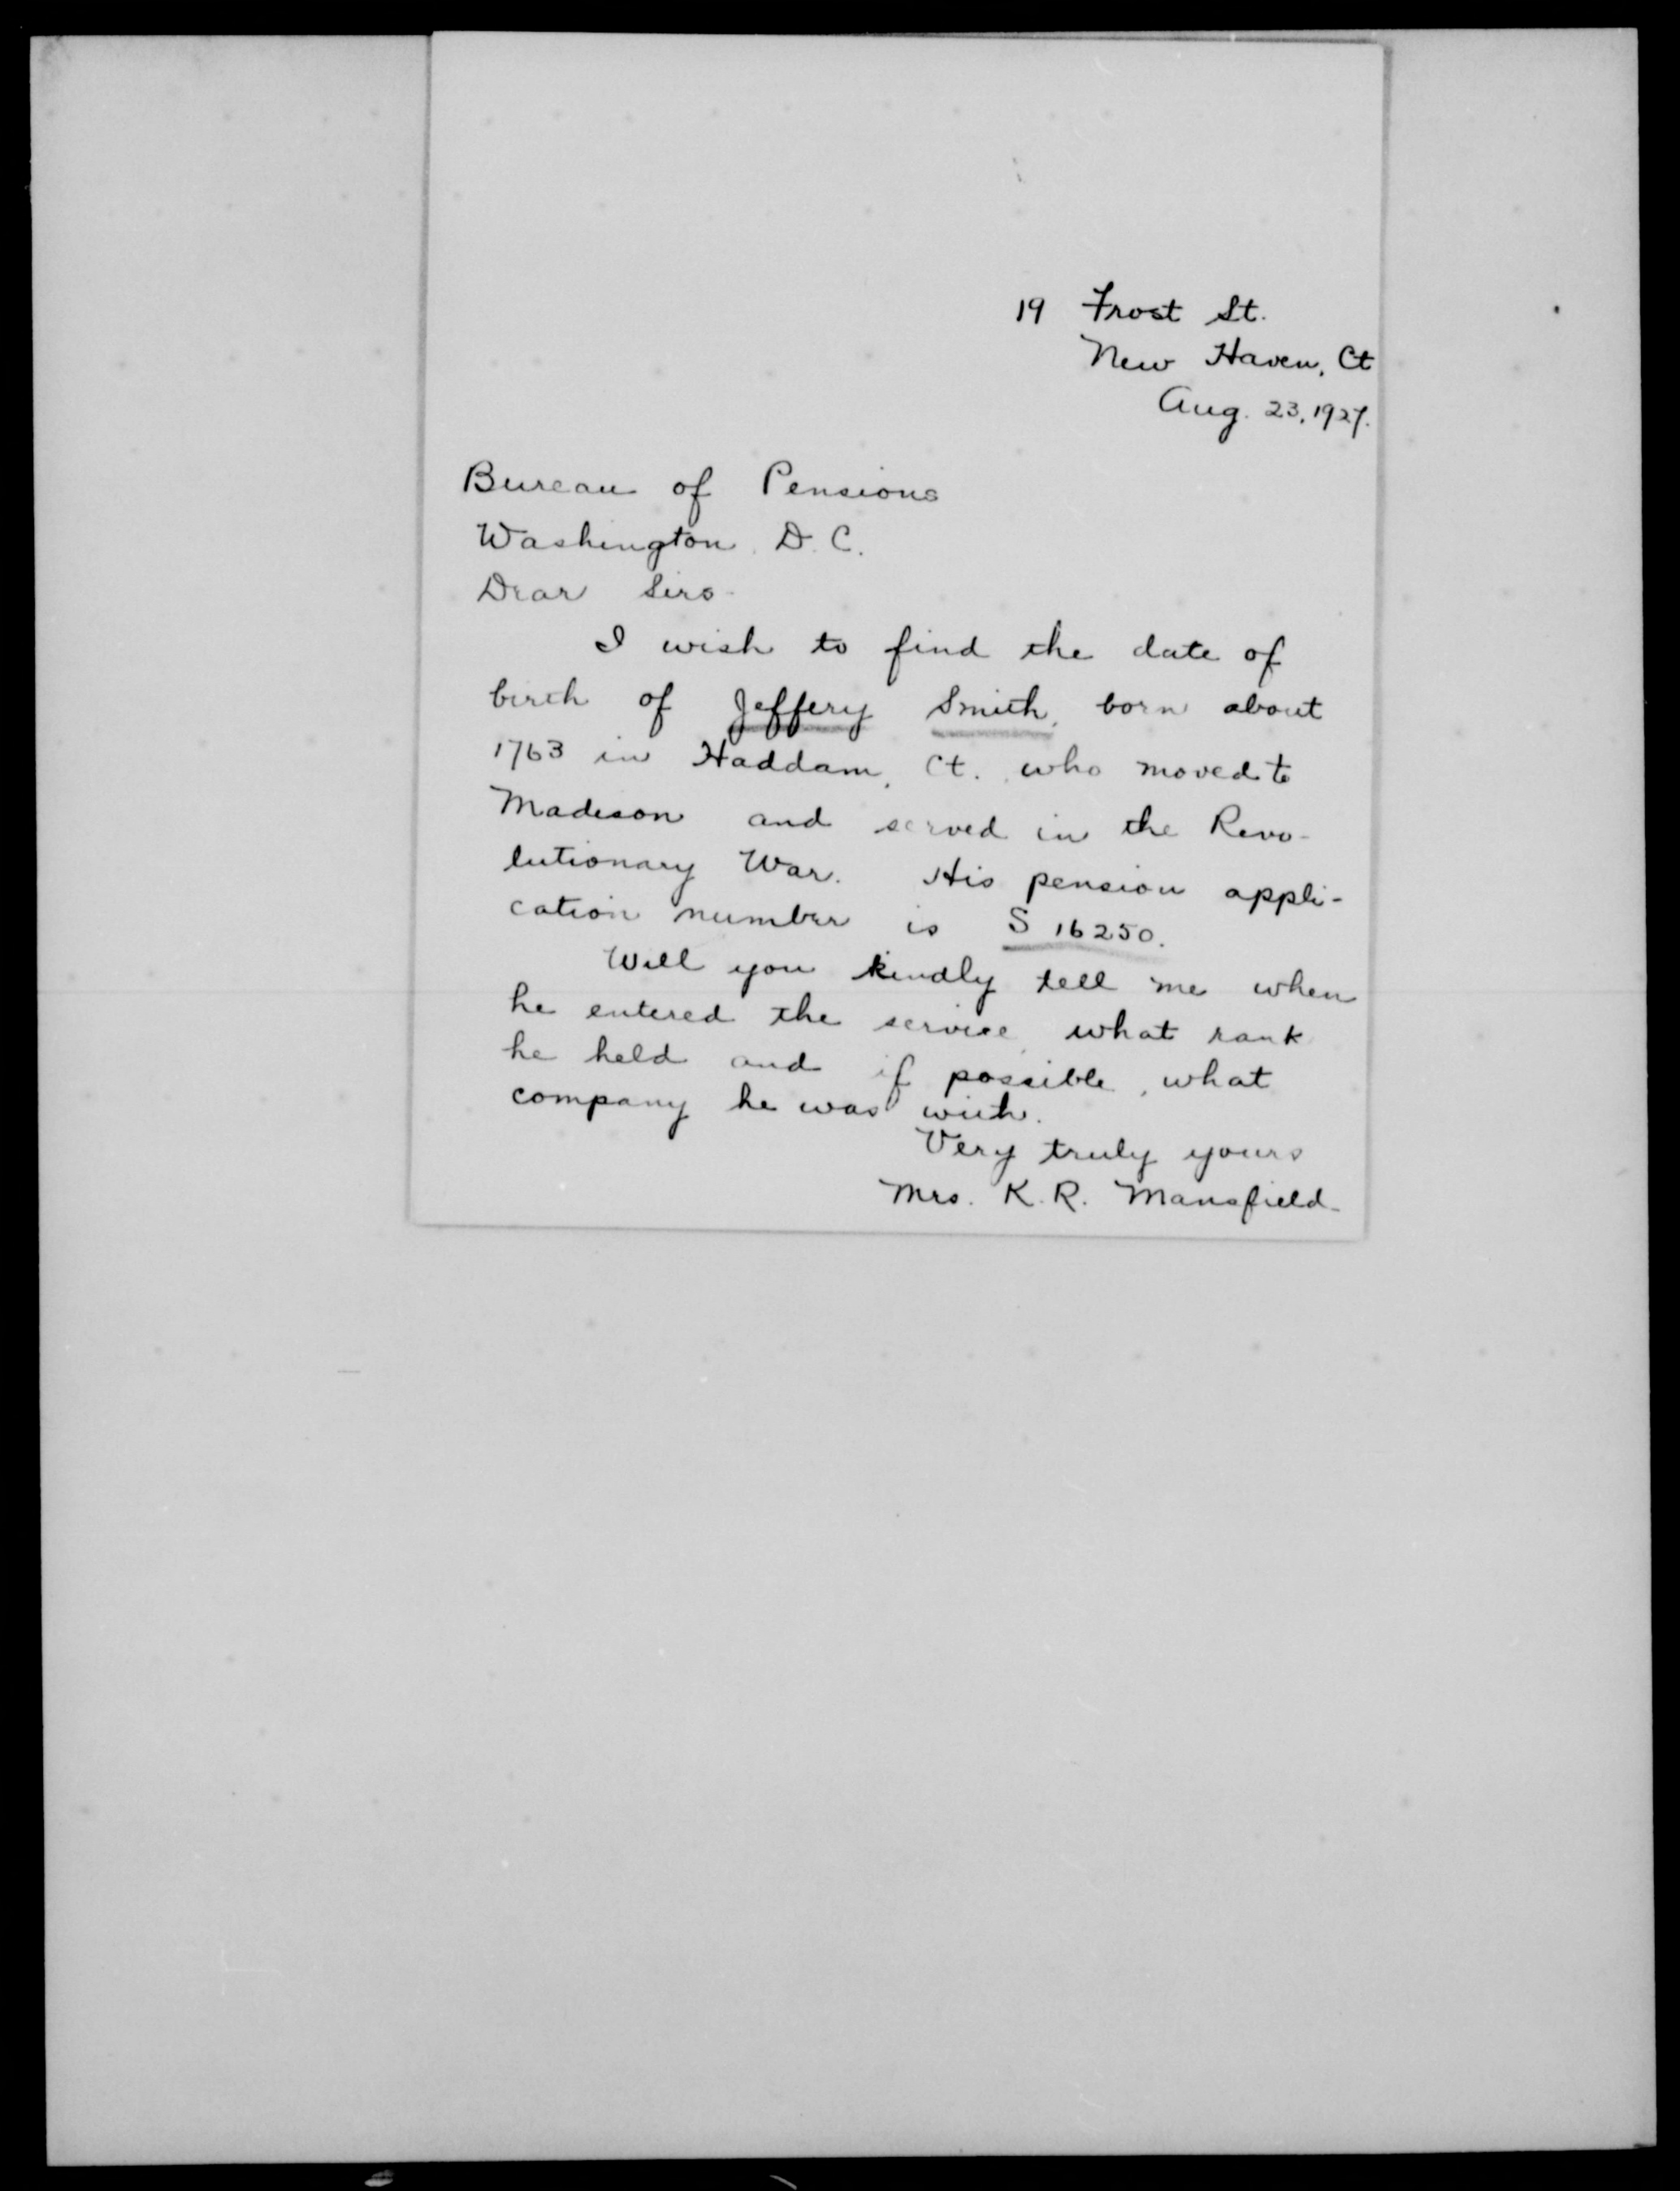19 Frost St.
New Haven, Ct
Aug. 23, 1927.
Bureau of Pensions
Washington D. C
Dear Sirs
I wish to find the date of
birth of Jeffery Smith born about
1763 in Haddam Ct. who moved to
Madison and served in the Revolutionary
War. His pension appli
cation number is S16250
Will you kindly tell me when
he entered the service, what rank
he held and if possible, what
company he was with.
Very truly yours
Mrs. K. R. Mansfield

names: K R Mansfield; Jeffery Smith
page: 17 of 19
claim: survivor's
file: S. 16250, for Jeffery Smith, Connecticut